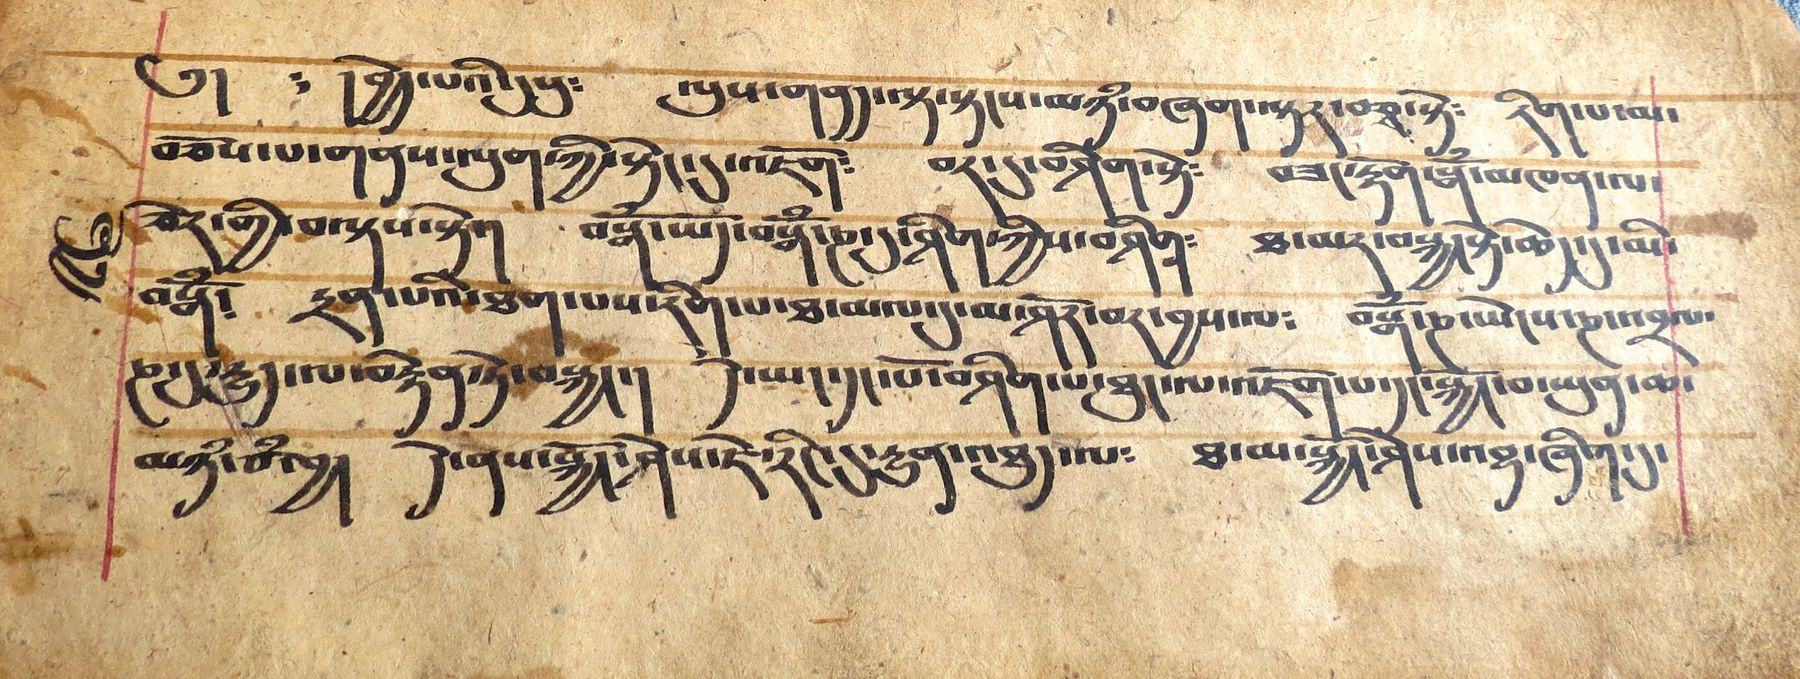བྱེད་པའི་དུས་སུ། ལུས་གནད་ལྟ་སྟངས་མཉམ་བཞག་ལྟར་བཅའ་སྟེ་རིག་པ་མ་
བཅོས་གནས་ལུགས་ཀྱི་སྟེང་དུ་འཇོག བར་དུ་བཟང་བདོ་ལ་བཤིག་སྟེ་སྒོམ་མཁན་ལ་
ཅེར་གྱིས་བལྟས་ཏེ། སྒོམ་ཡོད་སྒོམ་མེད་དུ་ཤིགས་ཀྱིས་བཤིག ཐ་མར་བསྐྱང་སྟེ་ཆེད་དུ་མི་
སྒོམ། དྲན་པའི་ཐག་པས་རིག་པ་ཐ་མལ་དུ་མ་ཤོར་བར་བྱ་སྟེ། སྒོམ་མེད་ཡེངས་མེད་འབྲལ་
མེད་དུ་རྒྱུད་ལ་བསྟེན་ཏེ་བསྐྱང་། དེ་ཡང་དང་པོ་བཤིག་པ་ཐུང་ལ་འཇོག་པ་དང་སྐྱོང་བ་ཡུན་ཆ་
མཉམ་ཙམ་བྱ། དེ་ནས་སྐྱོང་ཤེས་ཇེ་རིང་དུ་རྒྱུན་མཐུད་ལ། ཐ་མ་སྐྱོང་ཤེས་འབའ་ཞིག་ཏུ་